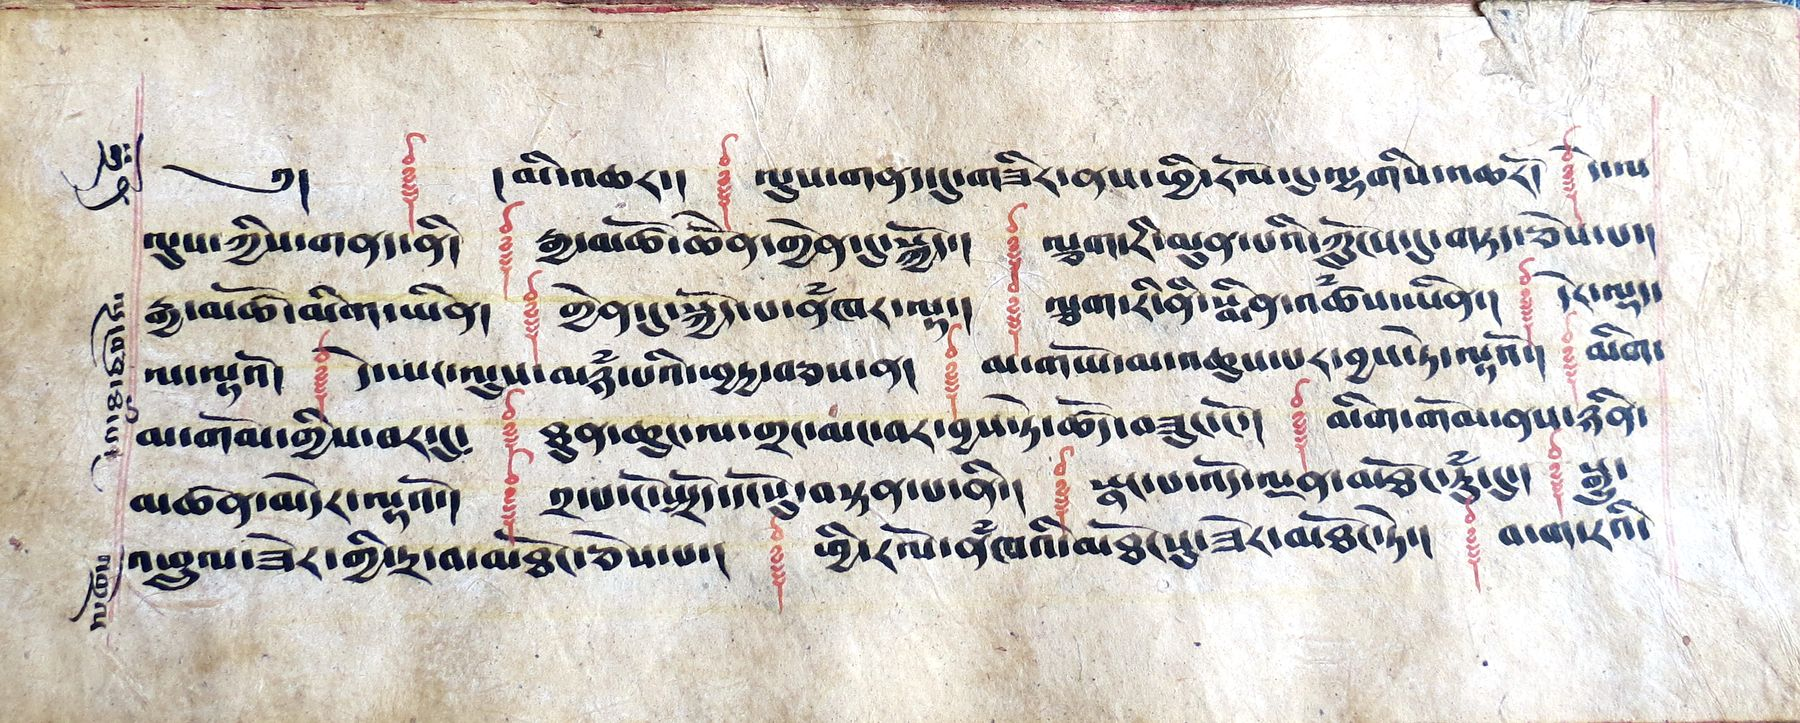མི་འཆར། ལུས་གནད་དུ་གཟིར་ན་ཕྱི་རོལ་དུ་ལྷག་གིས་འཆར་རོ། །དེ་ལ་
ལུས་ཀྱི་གནད་ནི། རྒྱ་མཚོ་ཆེན་པོ་གྱེན་དུ་སྐྱོད། ལྕགས་རི་མུན་པའི་ཀློང་དུ་གཏད། །ཅེས་པས། 
རྒྱ་མཚོ་མིག་ཡིན། གྱེན་དུ་སྐྱོད་པ་ནམ་མཁར་ལྟ། ལྕགས་རི་ནི་སྨིན་མཚམས་ཡིན། དེར་གཏད་།
ལ་ལྟའོ། །དེ་ཡང་ལུས་མཉམ་པའི་ཕྱག་རྒྱ་བཅས་ནས། མ་ཡོ་མ་འཆུས་པར་བྱས་ཏེ་ལྟའོ། །མིག་
མ་གོམས་ཀྱི་བར་དུ་ཐུན་ཆུང་ལ་གྲངས་མང་བར་བྱས་ཏེ་ཚོད་བཟུང་ངོ་། །མིག་གོམས་ནས་ཉིན་
མཚན་མེད་པར་བལྟའོ། །གཉིས་པ་ངོ་སྤྲོད་དངོས་སུ་བསྟན་པ་ནི། སྣང་བ་འོད་ལྡན་མཐོང་རུམ་དུ། སྒྱུ་
འཕྲུལ་ཟེར་གྱི་དྲྭ་བ་མཐོང་། །ཞེས་པས། ཕྱི་རོལ་ནམ་མཁའི་མཐོངས་སུ་ཟེར་མཐོང་སྟེ། བ་ག་རའི་